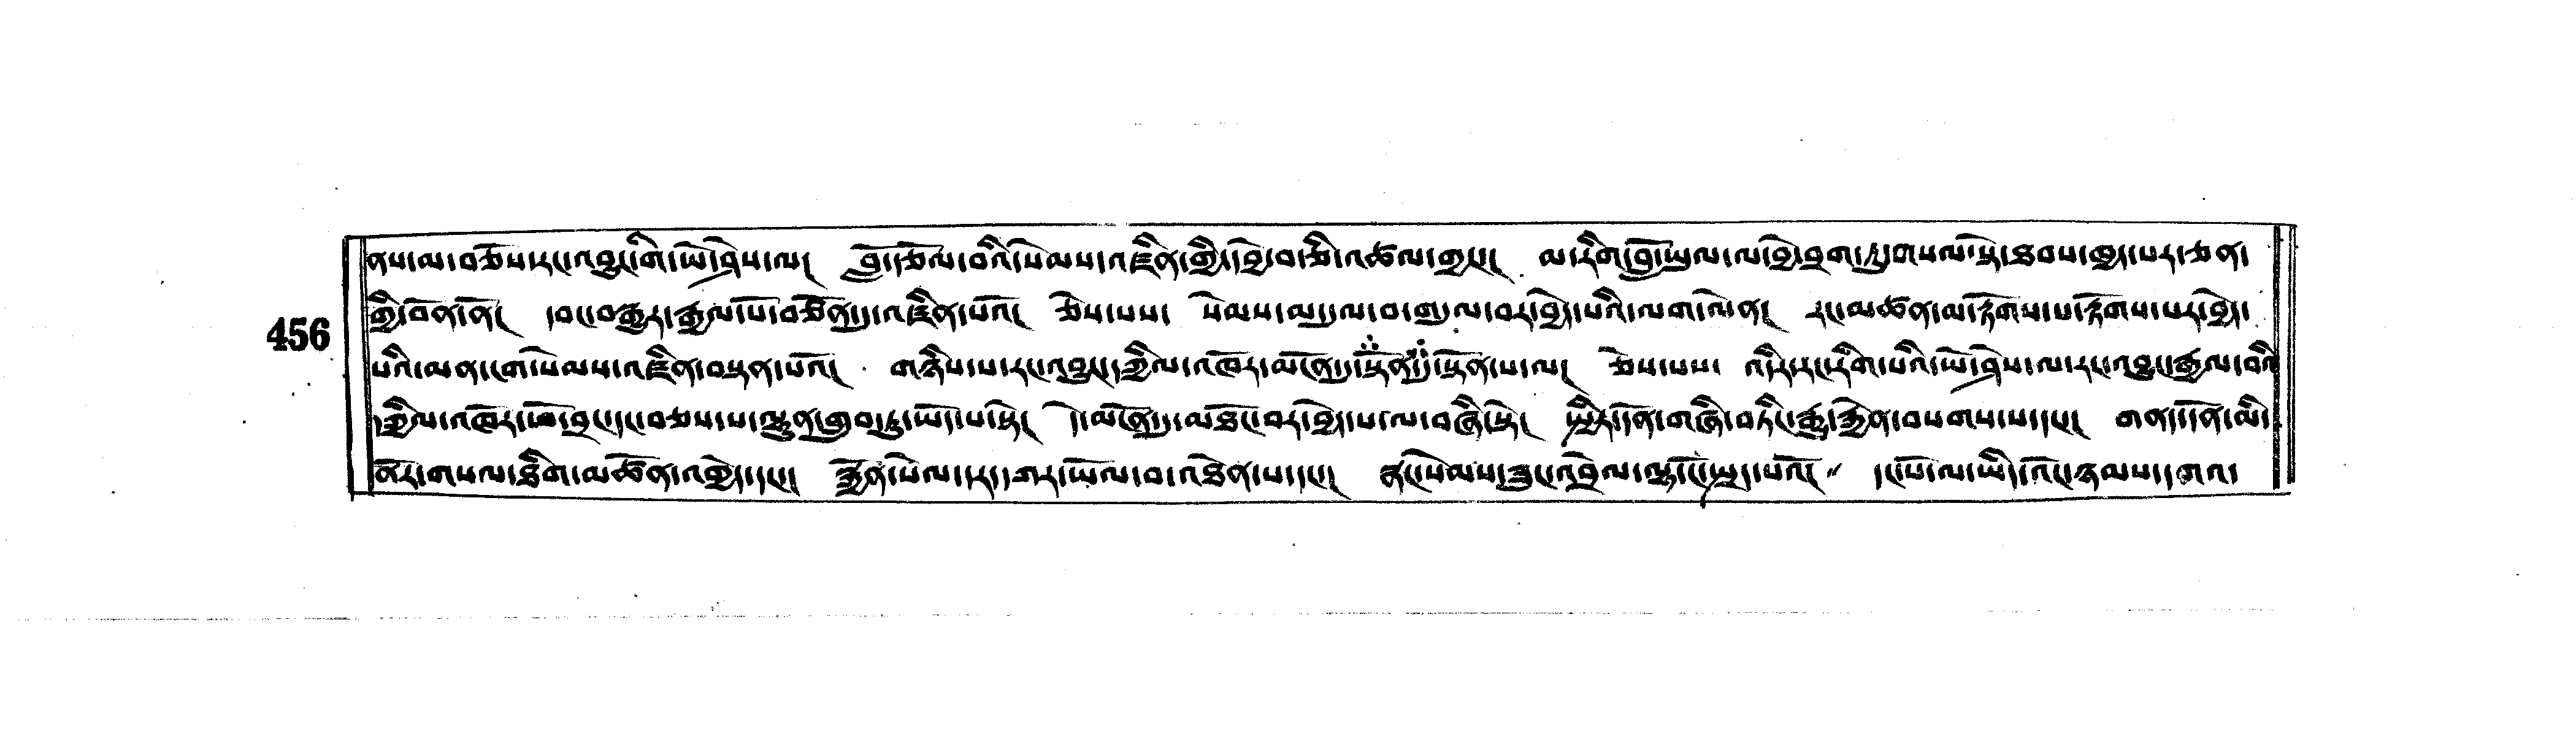ནས་མ་བཅོས་རང་འབྱུང་གི་ཡེ་ཤེས་ལ། བློ་རྩོལ་བའི་སེམས་འཛིན་གྱི་དབྱེ་བ་ཅི་འཚལ་ཀྱང་། མ་རིག་བློ་ཡུལ་ལ་བྱེ་བྲག་ཏུ་གསལ་སྟོང་གི་ཐབས་ཁྱད་པར་ཅན་
གྱི་བོན་ནོ། དབང་སྒྱུར་རྒྱལ་པོ་བཙོན་དུ་འཛིན་པའོ། ཅེས་པས། སེམས་ལ་དུལ་བ་གདུལ་བར་བྱེད་པའི་ལག་ལེན། རང་མཚན་མ་རྟོགས་པ་རྟོགས་པར་བྱེད་
པའི་མན་ངག་སེམས་འཛིན་བསྟན་པའོ། གཉིས་པ་རང་འབྱུང་དཀྱིལ་འཁོར་མངོན་དུ་སྟོན་པ་ལ། ཅེས་པས། འདིར་རང་རིག་པའི་ཡེ་ཤེས་ལ་རང་འབྱུང་རྒྱལ་བའི་
དཀྱིལ་འཁོར་ཕོ་བྲང་དང་བཅས་པ་ལྷུན་གྲུབ་ཏུ་ཡོད་པ་སྟེ། དེ་མངོན་དུ་མཐོང་བར་བྱེད་པ་ལ་བཞི་སྟེ། སྤྱིར་དོན་བཞི་བཏིང་རྒྱུ་རྐྱེན་བསགས་པ་དང་། གནད་དོན་མི་
ནོར་གསལ་ཐིག་མཚོན་འགྱེད་དང་། སྐྱོན་སེལ་དར་དཀར་ཡོལ་བ་འཐེན་པ་དང་། སྣང་སེམས་ཟུང་འབྲེལ་ལྷ་ངོ་སྤྲད་པའོ། ༧ དང་པོ་ལ་ཡིད་འོང་ཉམས་དགའ་